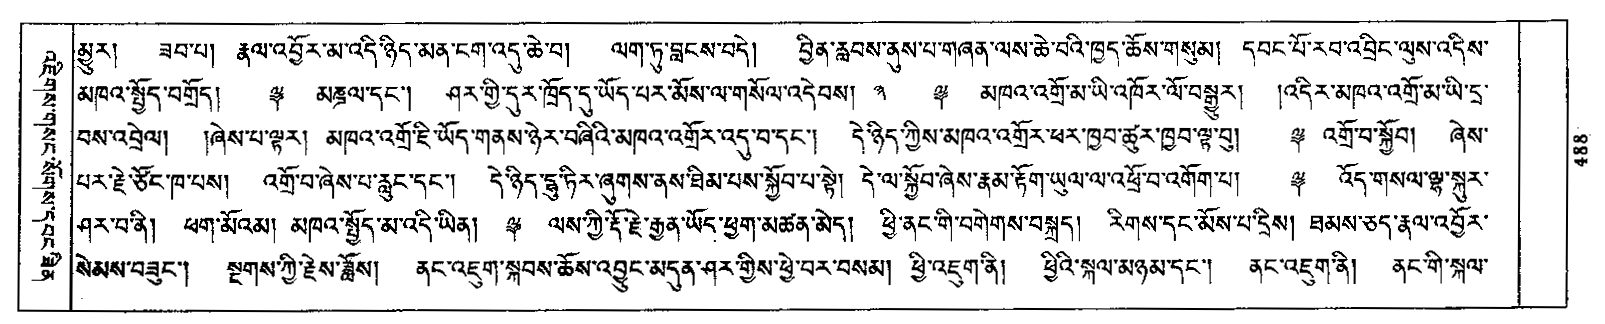མྱུར། ཟབ་པ། རྣལ་འབྱོར་མ་འདི་ཉིད་མན་ངག་འདུ་ཆེ་བ། ལག་ཏུ་བླངས་བདེ། བྱིན་རླབས་ནུས་པ་གཞན་ལས་ཆེ་བའི་ཁྱད་ཆོས་གསུམ། དབང་པོ་རབ་འབྲིང་ལུས་འདིས་
མཁའ་སྤྱོད་བགྲོད། ༈ མཎྜལ་དང་། ཤར་གྱི་དུར་ཁྲོད་དུ་ཡོད་པར་མོས་ལ་གསོལ་འདེབས། ༣་༈ མཁའ་འགྲོ་མ་ཡི་འཁོར་ལོ་བསྒྱུར། །འདིར་མཁའ་འགྲོ་མ་ཡི་དྲ་
བས་འབྲེལ། །ཞེས་པ་ལྟར། མཁའ་འགྲོ་ཇི་ཡོད་གནས་ཉེར་བཞིའི་མཁའ་འགྲོར་འདུ་བ་དང་། དེ་ཉིད་ཀྱིས་མཁའ་འགྲོར་ཕར་ཁྱབ་ཚུར་ཁྱབ་ལྟ་བུ། ༈ འགྲོ་བ་སྐྱོབ། ཞེས་
པར་རྗེ་ཙོང་ཁ་པས། འགྲོ་བ་ཞེས་པ་རླུང་དང་། དེ་ཉིད་དྷུ་ཏིར་ཞུགས་ནས་ཐིམ་པས་སྐྱོབ་པ་སྟེ། དེ་ལ་སྐྱོབ་ཞེས་རྣམ་རྟོག་ཡུལ་ལ་འཕྲོ་བ་འགོག་པ། ༈ འོད་གསལ་ལྷ་སྐུར་
ཤར་བ་ནི། ཕག་མོའམ། མཁའ་སྤྱོད་མ་འདི་ཡིན། ༈ ལས་ཀྱི་རྡོ་རྗེ་རྒྱན་ཡོད་ཕྱག་མཚན་མེད། ཕྱི་ནང་གི་བགེགས་བསྐྲད། རིགས་དང་མོས་པ་དྲིས། ཐམས་ཅད་རྣལ་འབྱོར་
སེམས་བཟུང་། སྔགས་ཀྱི་རྗེས་ཟློས། ནང་འཇུག་སྐབས་ཆོས་འབྱུང་མདུན་ཤར་གྱིས་ཕྱེ་བར་བསམ། ཕྱི་འཇུག་ནི། ཕྱིའི་སྐལ་མཉམ་དང་། ནང་འཇུག་ནི། ནང་གི་སྐལ་